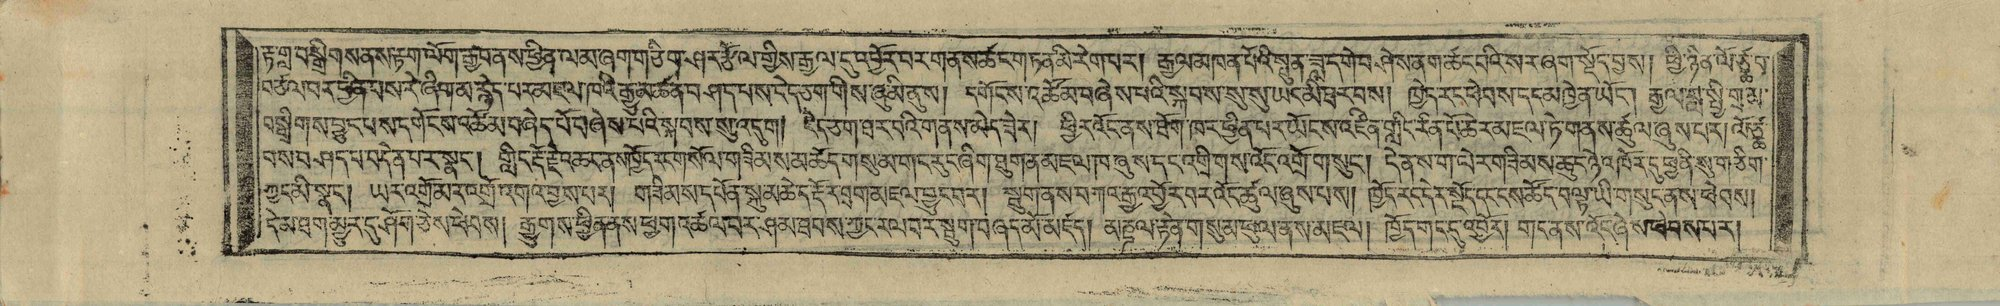རྟ་གླ་བསྒྲིགས་ནས་རྟག་ལོག་རྒྱབ་ནས་ཕྱིན་ལམ་ཞག་གཅིག་ཤར་རྩོལ་གྱིས་རྒྱལ་དུ་འབྱོར་བར་གནས་ཚང་གཏན་མི་རེག་པར། རྒྱལ་མཁན་པོའི་སྤུན་ཟླ་དགེ་བཤེས་ནག་ཚང་པའི་སར་ཞག་སྡོད་བྱས། ཕྱི་ཉིན་ལོ་ཙྪ་བ་
བཙལ་བར་ཕྱིན་པས་རེ་ཞིག་མ་རྙེད་པར་མཇལ་ཁའི་རྒྱུ་མཚན་བཤད་པས་ངེད་ཅག་གིས་ཞུ་མི་ནུས། དགོངས་འཚོམ་བཞེས་པའི་སྐབས་སུ་སུ་ཡང་མི་ཐར་བས། ཁྱེད་རང་ཕེབས་དང་མཁྱེན་ཡོང་། རྒྱལ་བླ་སྤྱི་གྲམ་
བསྒྲིགས་བྱུང་པས་དགོངས་འཚོམ་བཞེད་པོ་བཞེས་པའི་སྐབས་སུ་འདུག །ངེད་ཅག་ཐར་བའི་གནས་མེད་ཟེར། ཕྱིར་འོང་ནས་ཐོག་ཁར་ཕྱིན་པར་ཡོངས་འཛིན་གླིང་རིན་པོ་ཆེར་མཇལ་ཏེ་གནས་ཚུལ་ཞུས་པར། ལོ་ཙྪ་
བས་བཤད་པ་བདེན་པར་སྣང་། གླིང་རྡོ་རྗེ་འཆང་ནས་ཁྱོད་རང་གསོལ་གཟིམས་མཆོད་གསུམ་གང་རུང་ཞིག་ཐུག་ན་མཇལ་ཁ་ཞུས་དང་འགྲིགས་འོང་འགྲོ་གསུང་། དེ་ནས་ག་ལེར་གཟིམས་ཆུང་ཉེ་འཁོར་དུ་ཕྱིན་སུ་གཅིག་
ཀྱང་མི་སྣང་། ཡར་འགྲོ་མར་འགྲོ་འགའ་བྱས་པར། གཟིམས་དཔོན་སྐུ་མཆེད་རྡོར་བྲག་མཇལ་བྱུང་བར། སྦུག་ནས་བཀའ་རྒྱ་འབྱོར་བར་འོང་ཚུལ་ཞུས་པས། ཁྱོད་རང་དེར་སྡོད་དང་ནས་ཚོད་བལྟ་ཡི་གསུང་ནས་ཕེབས།
དེ་མ་ཐག་མྱུར་དུ་ཤོག་ཅེས་ཕེབས། རྒྱུགས་ཕྱིན་ནས་ཕྱག་འཚལ་བར་ཤམ་ཐབས་ཀྱང་རལ་བར་སྦུག་བཞད་མོ་མཛད། མཎྜལ་རྟེན་གསུམ་ཕུལ་ནས་མཇལ། ཁྱོད་གང་དུ་འབྱོར། གང་ནས་འོང་ཞེས་ཕེབས་པར།